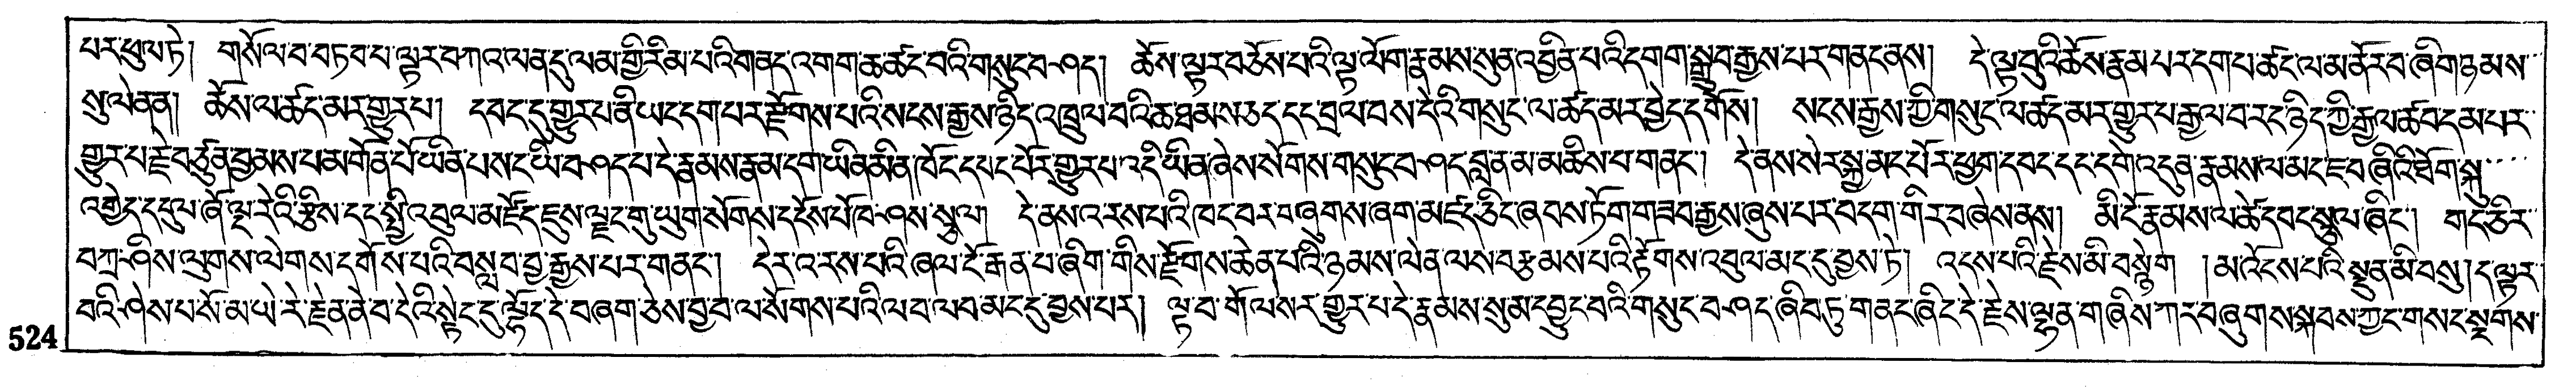པར་ཕུལ་ཏེ། གསེལ་བ་བཏབ་པ་ལྟར་བཀའ་ལན་དུ་ལམ་གྱི་རིམ་པའི་གནད་འགག་ཆ་ཆེང་པའི་གསུང་བཤད། ཆོས་ལྟར་བཅོས་པའི་ལྟ་ལོག་རྣམས་སུན་འབྱིན་པའི་དགག་སྒྲུབ་རྒྱས་པར་གནང་ནས། དེ་ལྟ་བུའི་ཆོས་རྣམ་པར་དག་པ་ཚང་ལ་མནོར་བཞིག་ཉམས་
སུ་ལེན་ན། ཆོས་ལ་ཚད་མར་གྱུར་པ། དབང་དུ་གྱུར་པ་ནི་ཡང་དག་པར་རྫོགས་པའི་སངས་རྒྱས་ཉིད་འཁྲུལ་བའི་ཆ་ཐམས་ཅད་དང་བྲལ་བས་དེའི་གསུང་ལ་ཚད་མར་བྱེད་དགོས། སངས་རྒྱས་ཀྱི་གསུང་ལ་ཚད་མར་གྱུར་པ་རྒྱལ་བ་རང་ཉིད་ཀྱི་རྒྱལ་ཚབ་དམ་པར་
གྱུར་པ་རྗེ་བཙུན་བྱམས་པ་མགོན་པོ་ཡིན་པས་ང་ཡི་བཤད་པ་དེ་རྣམས་རྣམ་དག་ཡིན་མིན་ཁོང་དབང་པོར་གྱུར་པ་འདི་ཡིན་ཞེས་སོགས་གསུང་བཤད་བླ་ན་མ་མཆིས་པ་གནང་། དེ་ནས་སེར་སྐྱ་མང་པོར་ཕྱག་དབང་དང་དགེ་འདུན་རྣམས་ལ་མང་ཇ་བཞིའི་ཐོག་སྐུ་
འགྱེད་དངུལ་ཞོ་ལྔ་རེའི་རྩིས་དང་སྤྱི་འབུལ་མཛོད་ཇུས་ལྗང་གུ་ཡུག་སོགས་དངོས་པོ་ཁ་ཤས་སྩལ། དེ་ནས་འ་རས་པའི་ཁང་པར་བཞུགས་ཞག་མཛད་ཅིང་ཞབས་ཏོག་གཟབ་རྒྱས་ཞུས་པར་བདག་གིར་བཞེས་ནས། མི་ངོ་རྣམས་ལ་ཚེ་དབང་སྩལ་ཞིང་། གང་ཅིར་
བཀྲ་ཤིས་ལུགས་ལེགས་དགོས་པའི་བསླབ་བྱ་རྒྱས་པར་གནང་། དེར་འ་རས་པའི་ཞལ་ངོ་རྒན་པ་ཞིག་གིས་རྫོགས་ཆེན་པའི་ཉམས་ལེན་ལས་བརྩམས་པའི་རྟོགས་འབུལ་མང་དུ་བྱས་ཏེ། འདས་པའི་རྗེས་མི་བསྙེག །མ་འོངས་པའི་སྡུན་མི་བསུ། ད་ལྟར་
བའི་ཤེས་པ་སོ་མ་ཡེ་རེ་རྗེན་ནེ་བདེའི་སྟེང་དུ་ལྷོད་དེ་བཞག་ཅེས་བྱ་བ་ལ་སོགས་པའི་ལབ་ལབ་མང་དུ་བྱས་པར། ལྟ་བ་གོལ་སར་གྱུར་པ་དེ་རྣམས་སུན་དབྱུང་བའི་གསུང་བཤད་ཞིབ་ཏུ་གནང་ཞིང་དེ་རྗེས་ལྷན་གཞིས་ཀར་བཞུགས་སྐབས་ཀྱང་གསང་སྔགས།